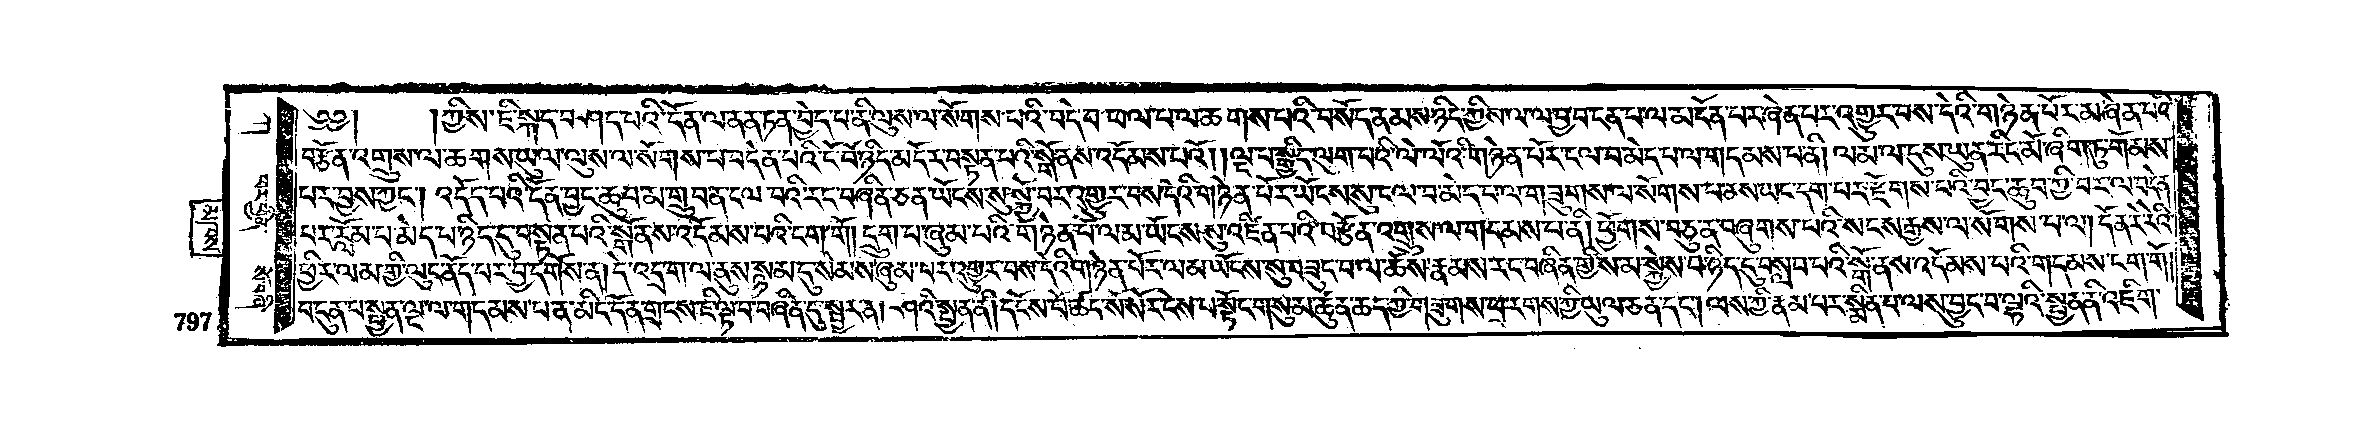༄༅། །ཀྱིས་ཇི་སྐད་བཤད་པའི་དོན་ལ་ནན་ཏན་བྱེད་པ་ནི་ལུས་ལ་སོགས་པའི་བདེ་བ་ཕལ་པ་ལ་ཆགས་པའི་བསོད་ནམས་ཉིད་ཀྱིས་ལ་ལ་བྱ་བ་ངན་པ་ལ་མངོན་པར་ཞེན་པར་འགྱུར་བས་དེའི་གཉེན་པོར་མ་ཞེན་པའི་
བརྩོན་འགྲུས་ལ་ཆགས་ཡུལ་ལུས་ལ་སོགས་པ་བདེན་པའི་ངོ་བོ་ཉིད་མདོར་བསྟན་པའི་སྒོ་ནས་འདོམས་པའོ། །ལྔ་པ་སྒྱིད་ལུག་པའི་ལེ་ལོའི་གཉེན་པོར་ངལ་བ་མེད་པ་ལ་གདམས་པ་ནི། ལམ་ལ་དུས་ཡུན་རིང་མོ་ཞིག་ཏུ་གོམས་
པར་བྱས་ཀྱང་། འདོད་པའི་དོན་བྱང་ཆུབ་མ་གྲུབ་ན་ངལ་བའི་རང་བཞིན་ཅན་ཡོངས་སུ་སྐྱོ་བར་འགྱུར་བས་དེའི་གཉེན་པོར་ཡོངས་སུ་ངལ་བ་མེད་པ་ལ་གཟུགས་ལ་སོགས་པ་ནས་ཡང་དག་པར་རྫོགས་པའི་བྱང་ཆུབ་ཀྱི་བར་ལ་བདེན་
པར་རློམ་པ་མེད་པ་ཉིད་དུ་བསྟན་པའི་སྒོ་ནས་འདོམས་པའི་ངག་གོ །དྲུག་པ་ཞུམ་པའི་གཉེན་པོ་ལམ་ཡོངས་སུ་འཛིན་པའི་བརྩོན་འགྲུས་ལ་གདམས་པ་ནི། ཕྱོགས་བཅུ་ན་བཞུགས་པའི་སངས་རྒྱས་ལ་སོགས་པ་ལ། དོན་རེ་རེའི་
ཕྱིར་ལམ་གྱི་ལུང་ནོད་པར་བྱ་དགོས་ན། དེ་འདྲ་ག་ལ་ནུས་སྙམ་དུ་སེམས་ཞུམ་པར་འགྱུར་བས་དེའི་གཉེན་པོར་ལམ་ཡོངས་སུ་བཟུང་བ་ལ་ཆོས་རྣམས་རང་བཞིན་གྱིས་མ་སྐྱེས་པ་ཉིད་དུ་བསླབ་པའི་སྒོ་ནས་འདོམས་པའི་གདམས་ངག་གོ།
བདུན་པ་སྤྱན་ལྔ་ལ་གདམས་པ་ན་མིང་དོན་གྲངས་ཇི་ལྟ་བ་བཞིན་དུ་སྦྱར་ན། ཤའི་སྤྱན་ནི། དངོས་པོ་ཚང་སོ་སོར་ངེས་པ་སྟོང་གསུམ་ཚུན་ཆད་ཀྱི་གཟུགས་ཕྲ་རགས་ཀྱི་ཡུལ་ཅན་དང་། ལས་ཀྱི་རྣམ་པར་སྨིན་པ་ལས་བྱུང་བ་ལྷའི་སྤྱན་ནི་འཇིག་